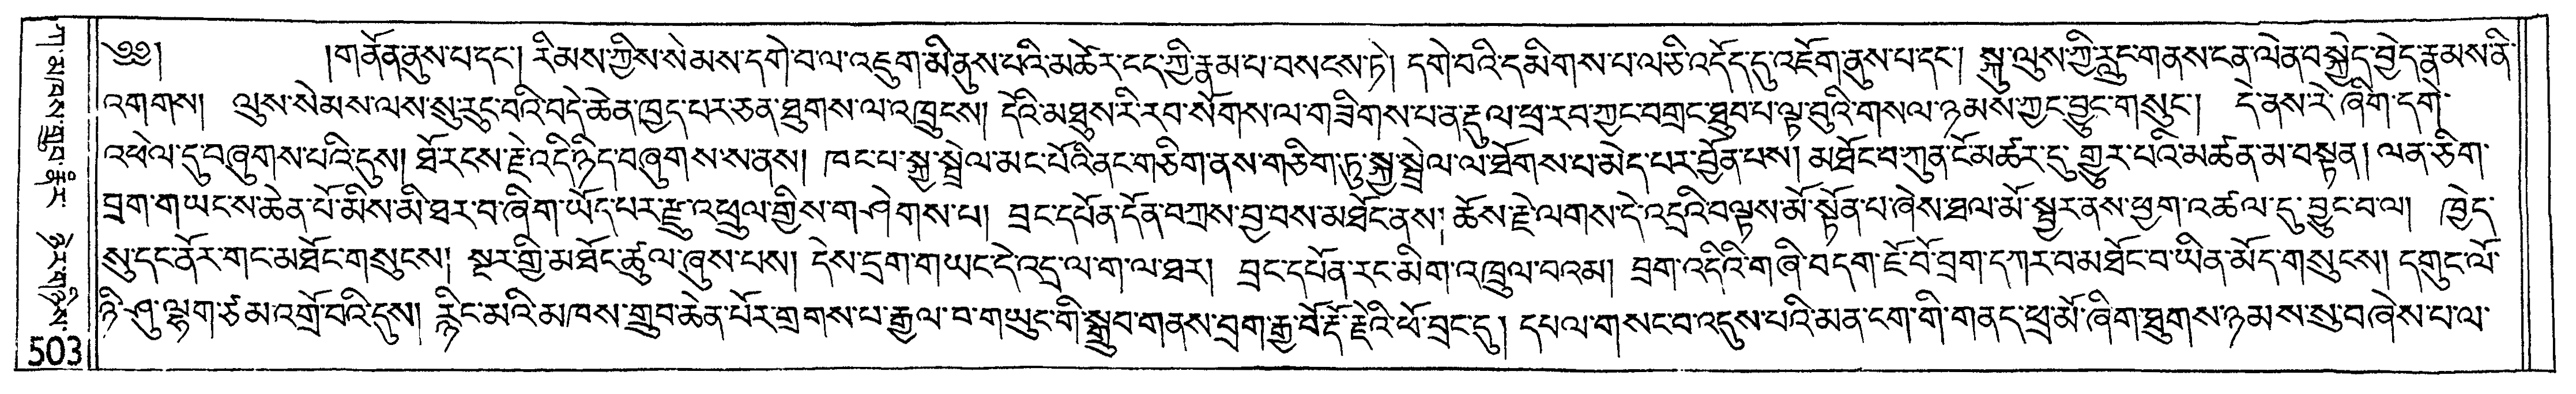༄༅། །གནོན་ནུས་པ་དང་། རིམས་ཀྱིས་སེམས་དགེ་བ་ལ་འཇུག་མི་ནུས་པའི་མཚེར་ངད་ཀྱི་རྣམ་པ་བསངས་ཏེ། དགེ་བའི་དམིགས་པ་ལ་ཅི་འདོད་དུ་འཇོག་ནུས་པ་དང་། སྐུ་ལུས་ཀྱི་རླུང་གནས་ངན་ལེན་བསྐྱེད་བྱེད་རྣམས་ནི་
འགགས། ལུས་སེམས་ལས་སུ་རུང་བའི་བདེ་ཆེན་ཁྱད་པར་ཅན་ཐུགས་ལ་འཁྲུངས། དེའི་མཐུས་རི་རབ་སོགས་ལ་གཟིགས་པ་ན་རྡུལ་ཕྲ་རབ་ཀྱང་བགྲང་ཐུབ་པ་ལྟ་བུའི་གསལ་ཉམས་ཀྱང་བྱུང་གསུང་། དེ་ནས་རེ་ཞིག་དགེ་
འཕེལ་དུ་བཞུགས་པའི་དུས། ཐོ་རངས་རྗེ་འདི་ཉིད་བཞུགས་ས་ནས། ཁང་པ་སྐྱ་སྦྲེལ་མང་པོའི་ནང་གཅིག་ནས་གཅིག་ཏུ་སྐྱ་སྦྲེལ་ལ་ཐོགས་པ་མེད་པར་བྱོན་པས། མཐོང་བ་ཀུན་ངོ་མཚར་དུ་གྱུར་པའི་མཚན་མ་བསྟན། ལན་ཅིག་
བྲག་གཡང་ས་ཆེན་པོ་མིས་མི་ཐར་བ་ཞིག་ཡོད་པར་རྫུ་འཕྲུལ་གྱིས་གཤེགས་པ། བྲང་དཔོན་དོན་བཀྲས་བྱ་བས་མཐོང་ནས། ཆོས་རྗེ་ལགས་དེ་འདྲའི་བལྟས་མོ་སྟོན་པ་ཞེས་ཐལ་མོ་སྦྱར་ནས་ཕྱག་འཚལ་དུ་བྱུང་བ་ལ། ཁྱེད་
སུ་དང་ནོར་གང་མཐོང་གསུངས། སྔར་གྱི་མཐོང་ཚུལ་ཞུས་པས། དེས་དྲག་གཡང་དེ་འདྲ་ལ་ག་ལ་ཐར། བྲང་དཔོན་རང་མིག་འཁྲུལ་བའམ། བྲག་འདིའི་གཞི་བདག་ཇོ་བོ་བྲག་དཀར་བ་མཐོང་བ་ཡིན་མོད་གསུངས། དགུང་ལོ་
ཉི་ཤུ་ལྷག་ཙམ་འགྲོ་བའི་དུས། རྙིང་མའི་མཁས་གྲུབ་ཆེན་པོར་གྲགས་པ་རྒྱལ་བ་གཡུང་གི་སྒྲུབ་གནས་བྲག་རྒྱ་བོ་རྡོ་རྗེའི་ཕོ་བྲང་དུ། དཔལ་གསང་བ་འདུས་པའི་མན་ངག་གི་གནད་ཕྲ་མོ་ཞིག་ཐུགས་ཉམས་སུ་བཞེས་པ་ལ་